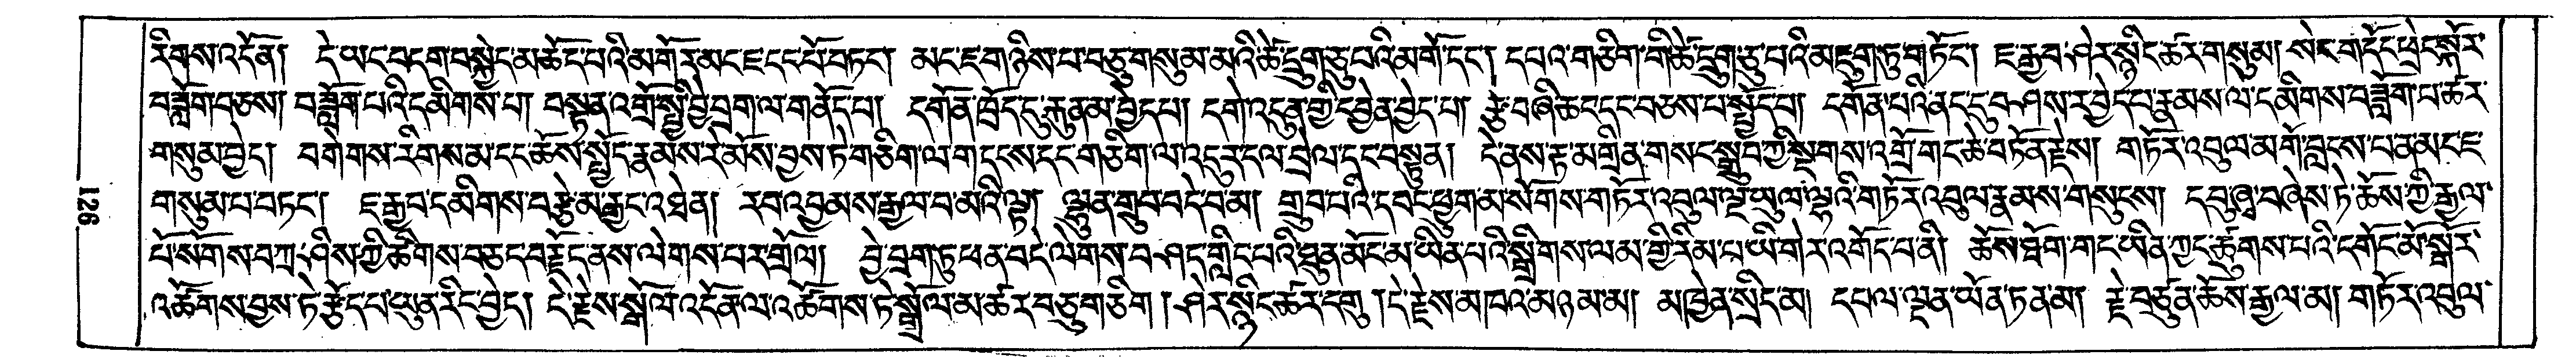རིགས་འདོན། དེ་ཡང་བདག་བསྐྱེད་མཆོད་པའི་མགོར་མང་ཇ་དང་པོ་བཏང་། མང་ཇ་གཉིས་པ་བཅུ་གསུམ་མའི་ཚེ་དྲུག་ཅུ་པའི་མགོ་དང་། དཔའ་གཅིག་གི་ཚེ་དྲུག་ཅུ་པའི་མཇུག་ཏུ་གཏོང་། ཇ་རྒྱབ་ཤེར་སྙིང་ཚར་གསུམ། སེང་གདོང་ཕྲེང་སྐོར་
བཟློག་བཅས། བཟློག་པའི་དམིགས་པ། བསྟན་འགྲོ་སྤྱི་བྱེ་བྲག་ལ་གནོད་པ། དགོན་ཁྲོད་དུ་རྐུན་མ་བྱེད་པ། དགེ་འདུན་གྱི་དབྱེན་བྱེད་པ། རྩ་བཞི་ཆང་དང་བཅས་པ་སྦྱོང་བ། དགོན་པའི་ནང་དུ་བཤས་ར་བྱེད་པ་རྣམས་ལ་དམིགས་བཟློག་པ་ཚར་
གསུམ་བྱེད། བགེགས་རིགས་མ་དང་ཆོས་སྤྱོད་རྣམས་རེ་མོས་བྱས་ཏེ་གཅིག་ལ་གདངས་དང་གཅིག་ལ་འདུར་དལ་བྲེལ་དང་བསྟུན། དེ་ནས་རྟ་མགྲིན་གསང་སྒྲུབ་ཀྱི་སྔགས་འགྲོ་གང་ཆེ་བཏོན་རྗེས། གཏོར་འབུལ་མགོ་བླངས་པ་ན་མང་ཇ་
གསུམ་པ་བཏང་། ཇ་རྒྱབ་དམིགས་བརྩེ་མ་རྒྱང་འཐེན། རབ་འབྱམས་རྒྱལ་བ་མའི་ལྟ། ལྷུན་གྲུབ་བདེ་བ་མ། གྲུབ་པའི་དབང་ཕྱུག་མ་སོགས་གཏོར་འབུལ་ལྔ་ཡུལ་ལྷའི་གཏོར་འབུལ་རྣམས་གསུངས། དབུ་ཞྭ་བཞེས་ཏེ་ཆོས་ཀྱི་རྒྱལ་
པོ་སོགས་བཀྲ་ཤིས་ཀྱི་ཚིགས་བཅད་བརྗོད་ནས་ལེགས་པར་གྲོལ། བྱེ་བྲག་ཏུ་ཕན་བདེ་ལེགས་བཤད་གླིང་པའི་ཐུན་མོང་མ་ཡིན་པའི་སྒྲིགས་ལམ་གྱི་རིམ་པ་ཡི་གེར་འགོད་པ་ནི། ཆོས་ཐོག་གང་ཡིན་ཀྱང་ཚུགས་པའི་དགོང་མོ་སྒོར་
འཚོགས་བྱས་ཏེ་རྩོད་པ་ཡུན་རིང་བྱེད། དེ་རྗེས་སྒྲོལ་འདོན་ལ་འཚོགས་ཏེ་སྒྲོལ་མཚར་བཅུ་གཅིག །ཤེར་སྙིང་ཚར་དགུ །དེ་རྗེས་མཁའ་མཉམ་མ། མཁྱེན་སྲིད་མ། དཔལ་ལྡན་ཡོན་ཏན་མ། རྗེ་བཙུན་ཆོས་རྒྱལ་མ། གཏོར་འབུལ་